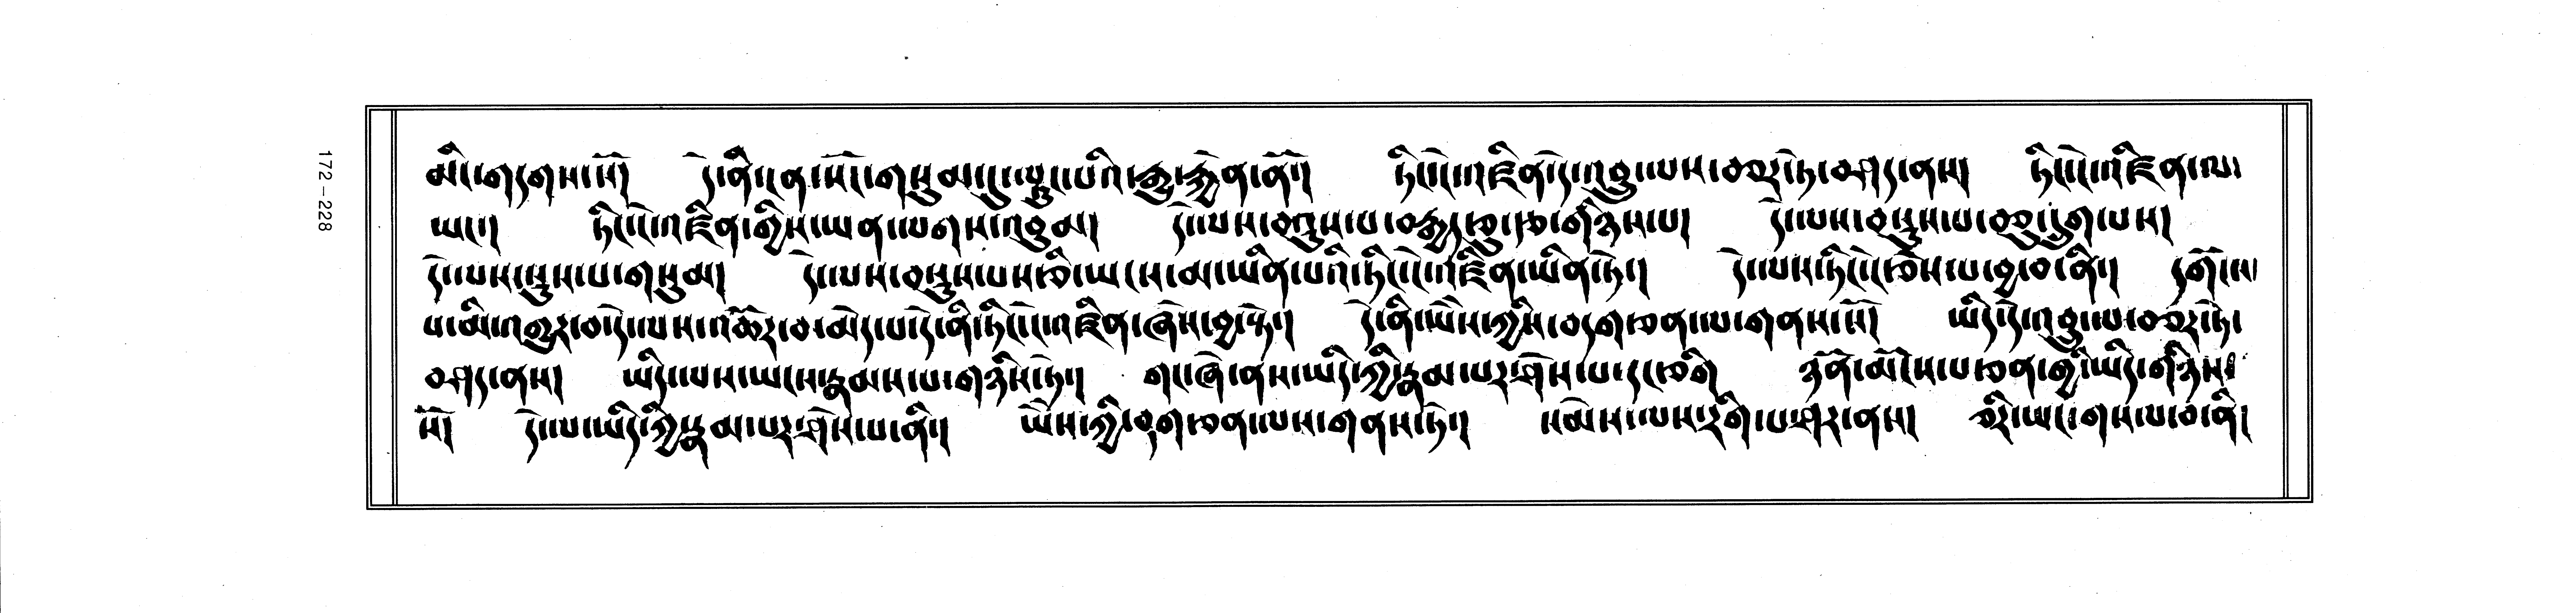མིང་བདགས་སྭོ། དེ་ནི་ངན་སོང་གསུམ་དུ་ལྟུང་པའི་རྒྱུ་རྐྱེན་ནོ། ཏིང་ངེ་འཛིན་དེ་འབྲུ་ལས་བཅར་ཏེ་བཤད་ནས། ཏིང་ངེ་འཛིན་ལ་
ཡང་། ཏིང་ངེ་འཛིན་གྱིས་ཡན་ལག་འབུམ། དེ་ལས་བསྡུས་པ་བརྒྱད་བཅུ་རྩ་གཉིས་པ། དེ་ལས་བསྡུས་པ་བཅུ་དྲུག་པས། 
དེ་ལས་བསྡུས་པ་གསུམ། དེ་ལས་བསྡུས་པས་ཅི་ཡང་མ་ཡིན་པའི་ཏིང་ངེ་འཛིན་ཡིན་ཏེ། དེ་ལས་ཏིང་ངེ་ཅེས་པ་བྱ་བ་ནི། དགོངས་པ་
མི་འགྱུར་བ་དེ་ལས་འཆོར་བ་མེད་པ་དེ་ནི་ཏིང་ངེ་འཛིན་ཞེས་བྱ་སྟེ། དེ་ནི་ཡེ་ཤེས་ཀྱིས་བདག་ཅན་ལ་གནས་སོ། ཡིད་དེ་འབྲུ་ལ་བཅར་ཏེ་
བཤད་ནས། ཡིད་ལས་ཡང་རྣམ་པ་གཉིས་ཏེ། གང་ཞེ་ནས་ཡིད་ཀྱི་རྣམ་པར་ཤེས་པ་དང་ཅིག ཉོན་མོངས་པ་ཅན་གྱི་ཡིད་གཉིས་
སོ། དེ་ལ་ཡིད་ཀྱི་རྣམ་པར་ཤེས་པ་ནི། ཡེ་ཤེས་ཀྱི་བདག་ཅན་ལས་གནས་ཏེ། སེམས་ལས་རིག་པ་ཤར་ནས། ཅིར་ཡང་གསལ་བ་ནི།